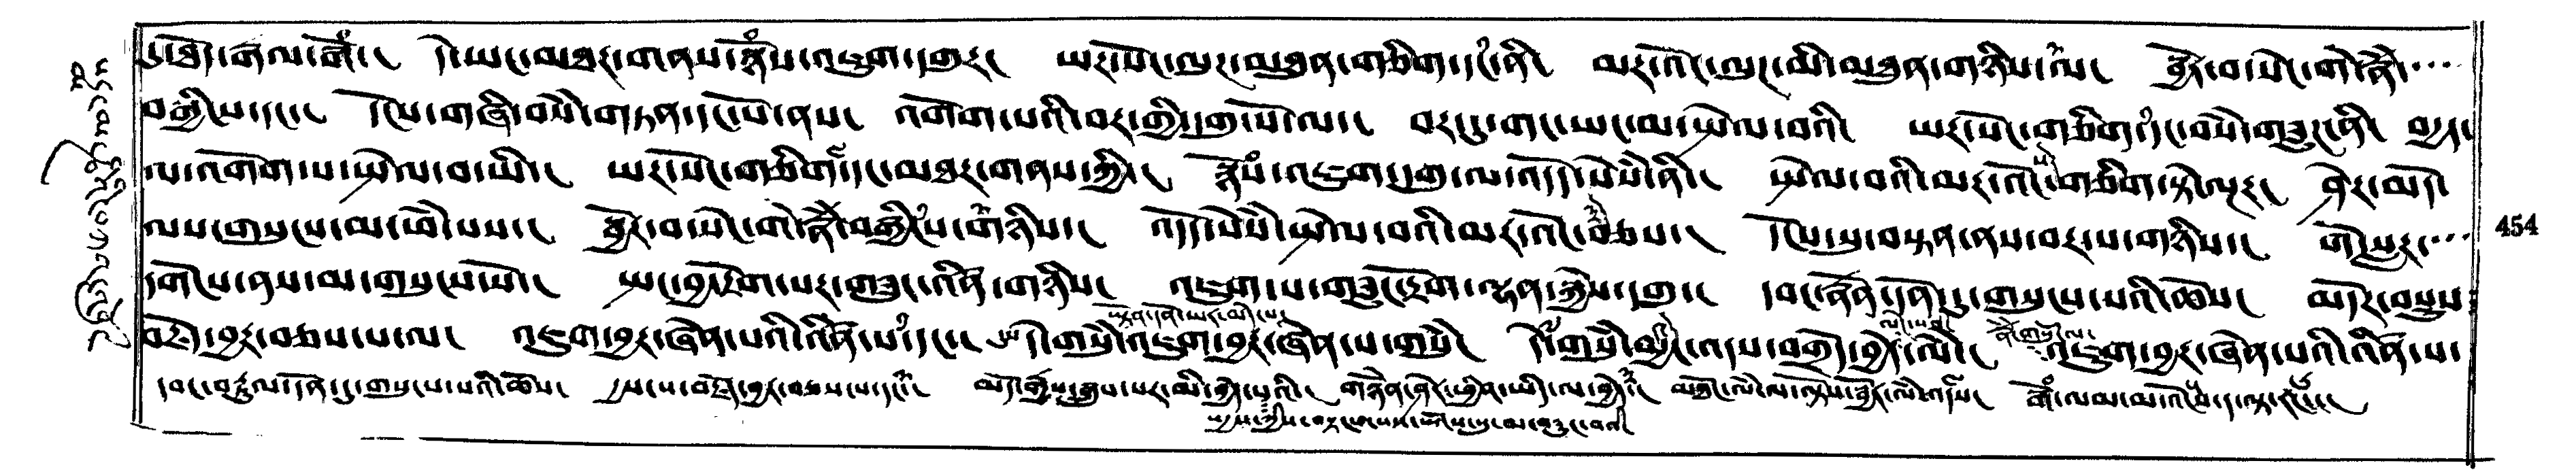དུ་ཐོད་རྒལ་སྒོམ། །དེ་ཡང་མཐར་གནས་སྙོམས་འཇུག་དགུར། །ཡར་སོང་ལུགས་མཐུན་གཅིག་དང་ནི། །མར་འོང་ལུགས་མི་མཐུན་གཉིས་ལ། །སྦྱོར་བ་སེང་གེ་རྣམས་
བསྒྱིངས་དང་། །དངོས་གཞི་བསམ་གཏན་དང་པོ་ནས། །འགོག་པའི་བར་གྱི་དགུ་པོ་ལ། །བར་དུ་གང་ཡང་མ་སྤེལ་བའི། །ཡར་སོང་གཅིག་དང་བསམ་གཟུགས་ནི། །བརྒྱད་
ལ་འགོག་པ་སྤེལ་བ་ཡི། །ཡར་སོང་གཅིག་དང་མཐར་གནས་ཀྱི། །སྙོམས་འཇུག་དགུ་ལ་འདོད་སེམས་ནི། །སྤེལ་བའི་མར་འོང་གཅིག་སྟེ་ལྔར། །ཤེར་མདོ་
ལས་གསུངས་མ་ཕམ་པས། །སྦྱོར་བས་སེང་གེ་རྣམ་བསྒྱིངས་གཉིས། །འདོད་སེམས་སྤེལ་བའི་མར་འོང་བཅས། །དངོས་སུ་བསྟན་ནས་བར་པ་གཉིས། །གོ་སླར་
དགོངས་ནས་མ་གསུངས་སོ། །སྤང་བྱ་རྟོག་པར་གཟུང་འཛིན་གཉིས། །འཇུག་པ་གཟུང་རྟོག་ལྷན་སྐྱེས་དགུ། །དབང་རྣོན་དོན་དུ་གསུངས་པའི་ཆོས། །མདོར་བསྡུས་
བརྗོད་བྱར་བཅས་པ་ལ། །འཇུག་བྱར་ཞེན་པའི་འཛིན་པ་དང་། དུས་དེ་གསུམ་ཡོན་ཏན་དོན་ཡར་མེད་པ་འཇུག་བྱར་ཞེན་པ་གསུམ། །དེ་གསུམ་མྱང་འདས་བགྲོད་བྱེད་ལེགས་པའི་ལམ།། རྣམ་གསུམ་ལ་འཇུག་བྱར་ཞེན་པའི་འཛིན་པ་
དབང་བརྟུལ་དོན་དུ་གསུངས་པའི་ཆོས། །རྒྱས་པ་བརྗོད་བྱར་བཅས་པ་དང་། །མདོ་རྒྱས་སྒྲུབ་པར་མི་བྱེད་པའི།།སངས་རྒྱས་ཀྱིས་ཡོངས་གསུངས་པའི། །གཉེན་པོ་ཤེར་ཕྱིན་ཡིད་ལ་བྱེད། །མཐོང་ལམ་ལ་ལྟོས་སྦྱོར་ལམ་འདས། །སྒོམ་ལམ་མ་འོངས་ད་ལྟ་རང་།